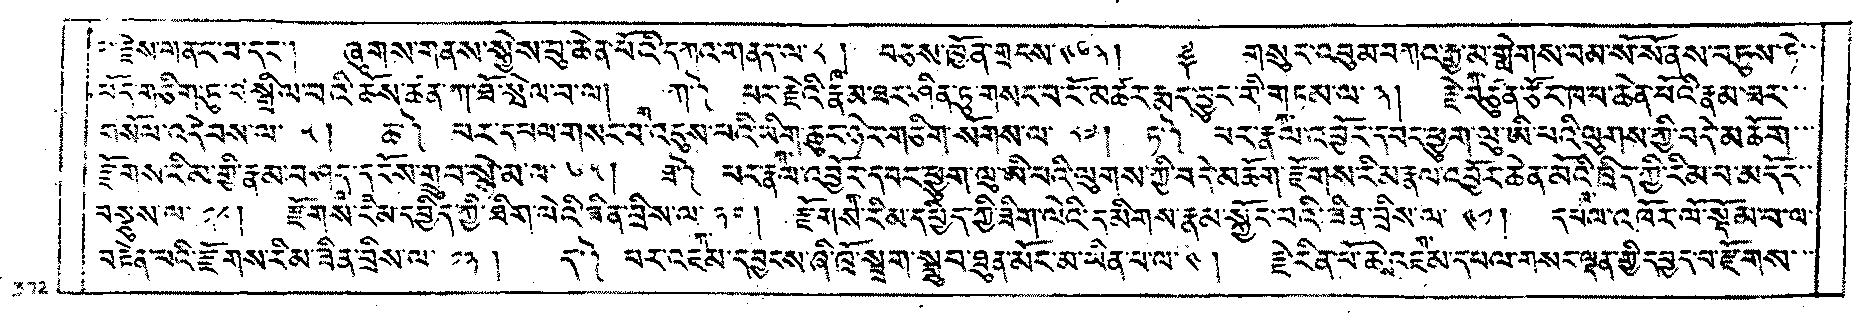པ་རྗེས་གནང་བ་དང་། ཞུགས་གནས་སྐྱེས་བུ་ཆེན་པོའི་དཀའ་གནད་ལ ༨། བཅས་ཁྱོན་གྲངས ༤༦༣། ༈ གསུང་འབུམ་བཀའ་རྒྱ་མ་གླེགས་བམ་སོ་སོ་ནས་བཏུས་ཏེ་
པོད་གཅིག་ཏུ་བསྒྲིལ་བའི་ཆོས་ཚན་ཀ་ཐོ་སྤེལ་བ་ལ། ཀ྄་པར་རྗེའི་རྣམ་ཐར་ཤིན་ཏུ་གསང་བ་ངོ་མཚར་རྨད་བྱུང་གི་གཏམ་ལ ༣། རྗེ་ཀ་བཙུན་ཙོང་ཁ་པ་ཆེན་པོའི་རྣམ་ཐར་
གསོལ་འདེབས་ལ ༥། ཆ྄་པར་དཔལ་གསང་བ་ག་འདུས་པའི་ཡིག་ཆུང་ཉེར་གཅིག་སོགས་ལ ༨༧། ཏ྄་པར་ཀ་རྣལ་འབྱོར་དབང་ཕྱུག་ལུ་ཨི་པའི་ལུགས་ཀྱི་བདེ་མཆོག་
རྫོགས་རིམ་གྱི་རྣམ་བཤད་དངོས་གྲུབ་སྙེ་མ་ལ ༦༥། ཐ྄་པར་ཀ་རྣལ་འབྱོར་དབང་ཕྱུག་ལུ་ཨི་པའི་ལུགས་ཀྱི་བདེ་མཆོག་རྫོགས་རིམ་རྣལ་འབྱོར་ཆེན་མོའི་ཁྲིད་ཀྱི་རིམ་པ་མདོར་
བསྡུས་ལ ༡༩། རྫོགས་རིམ་དཔྱིད་ཀྱི་ཐིག་ལེའི་ཟིན་བྲིས་ལ ༢༠། རྫོགས་ཀ་རིམ་དཔྱིད་ཀྱི་ཐིག་ལེའི་དམིགས་རྣམ་སྐྱོང་བའི་ཟིན་བྲིས་ལ ༤༡། དཔལ་ཁ་འཁོར་ལོ་སྡོམ་པ་ལ་
བརྟེན་པའི་རྫོགས་རིམ་ཟིན་བྲིས་ལ ༡༢། ད྄་པར་འཇམ་ཀ་དབྱངས་ཞི་ཁྲོ་སྦྲག་སྒྲུབ་ཐུན་མོང་མ་ཡིན་པ་ལ ༤། རྗེ་རིན་པོ་ཆེས་འཇམ་ཀ་དཔལ་གསང་ལྡན་གྱི་དཔྱད་པ་རྫོགས་